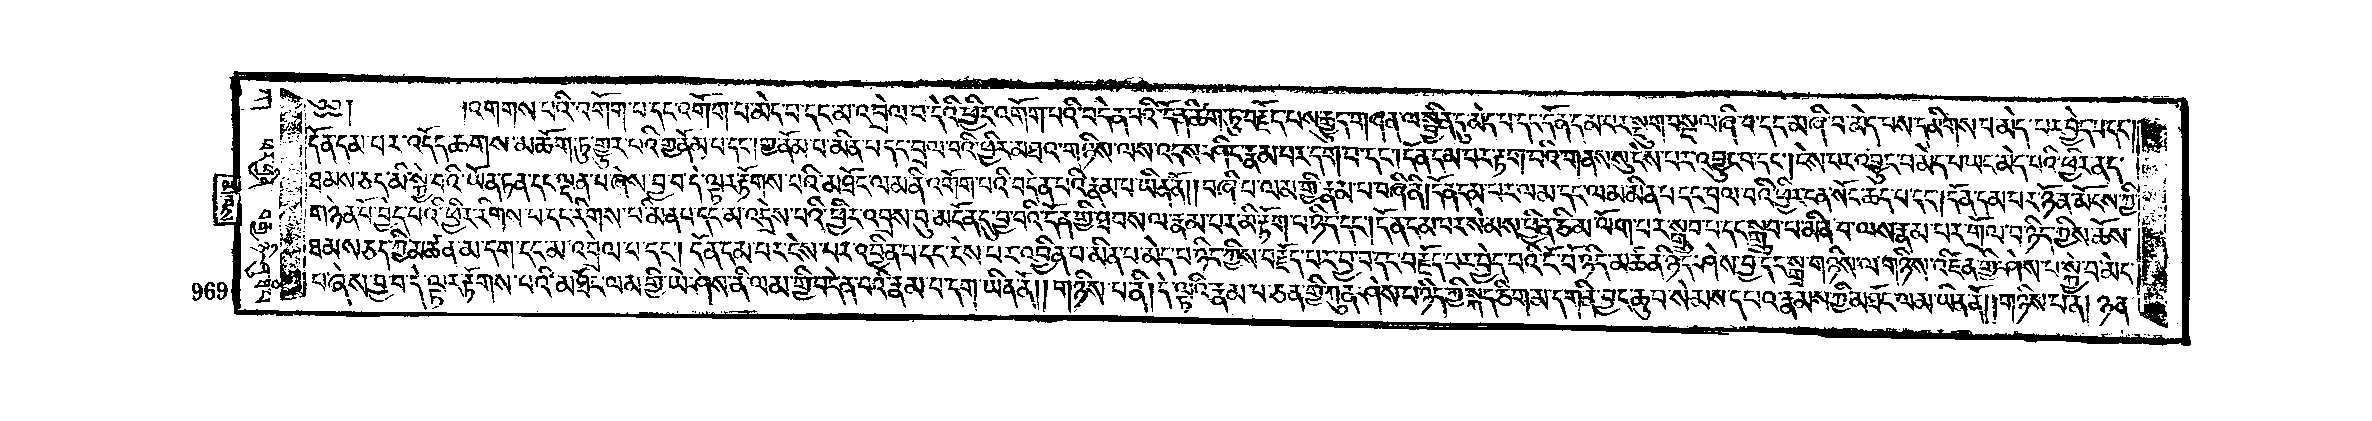༄༅། །འགགས་པའི་འགོག་པ་དང་འགོག་པ་མེད་པ་དང་མ་འབྲེལ་བ་དེའི་ཕྱིར་འགོག་པའི་བདེན་པའི་དོན་ཚིག་ཏུ་བརྗོད་པས་རྒྱུད་གཞན་ལ་སྦྱིན་དུ་མེད་པ་དང་དོན་དམ་པར་སྡུག་བསྔལ་ཞི་བ་དང་མ་ཞི་བ་མེད་པས་དམིགས་པ་མེད་པར་བྱེད་པ་དང་།
དོན་དམ་པར་འདོད་ཆགས་མཆོག་ཏུ་གྱུར་པའི་གྱ་ནོམ་པ་དང་། གྱ་ནོམ་པ་མིན་པ་དང་བྲལ་བའི་ཕྱིར་མཐའ་གཉིས་ལས་འདས་ཤིང་རྣམ་པར་དག་པ་དང་། དོན་དམ་པར་རྟག་པའི་གནས་སུ་ངེས་པར་འབྱུང་བ་དང་། ངེས་པར་འབྱུང་བ་མེད་པ་ཡང་མེད་པའི་ཕྱིར་ནད་
ཐམས་ཅད་མི་སྐྱེ་བའི་ཡོན་ཏན་དང་ལྡན་པ་ཞེས་བྱ་བ་དེ་ལྟར་རྟོགས་པའི་མཐོང་ལམ་ནི་འགོག་པའི་བདེན་པའི་རྣམ་པ་ཡིན་ནོ། །བཞི་པ་ལམ་གྱི་རྣམ་པ་བཞི་ནི། དོན་དམ་པར་ལམ་དང་ལམ་མིན་པ་དང་བྲལ་བའི་ཕྱིར་ངན་སོང་ཆད་པ་དང་། དོན་དམ་པར་ཉོན་མོངས་ཀྱི་
གཉེན་པོ་བྱེད་པའི་ཕྱིར་རིགས་པ་དང་རིགས་པ་མིན་པ་དང་མ་འདྲེས་པའི་ཕྱིར་འབྲས་བུ་མངོན་དུ་བྱ་བའི་དོན་གྱི་ཐབས་ལ་རྣམ་པར་མི་རྟོག་པ་ཉིད་དང་། དོན་དམ་པར་སེམས་ཕྱིན་ཅི་མ་ལོག་པར་སྒྲུབ་པ་དང་སྒྲུབ་པ་མིན་པ་ལས་རྣམ་པར་གྲོལ་བ་ཉིད་ཀྱིས་ཆོས་
ཐམས་ཅད་ཀྱི་མཚན་མ་དག་དང་མ་འབྲེལ་བ་དང་། དོན་དམ་པར་ངེས་པར་འབྱིན་པ་དང་ངེས་པར་འབྱིན་པ་མིན་པ་མེད་པ་ཉིད་ཀྱིས་བརྗོད་པར་བྱ་བ་དང་བརྗོད་པར་བྱེད་པའི་ངོ་བོ་ཉིད་མཚན་ཉིད་ཤེས་བྱ་དང་སྒྲ་གཉིས་ལ་གཉིས་འཛིན་གྱི་ཤེས་པ་སྐྱེ་བ་མེད་
པ་ཞེས་བྱ་བ་དེ་ལྟར་རྟོགས་པའི་མཐོང་ལམ་གྱི་ཡེ་ཤེས་ནི་ལམ་གྱི་བདེན་པའི་རྣམ་པ་དག་ཡིན་ནོ། །གཉིས་པ་ནི། དེ་ལྟའི་རྣམ་པ་ཅན་གྱི་ཀུན་ཤེས་པ་ཉིད་ཀྱི་སྐད་ཅིག་མ་དག་ནི་བྱང་ཆུབ་སེམས་དཔའ་རྣམས་ཀྱི་མཐོང་ལམ་ཡིན་ནོ། །གཉིས་པ་ནི། ཉན་